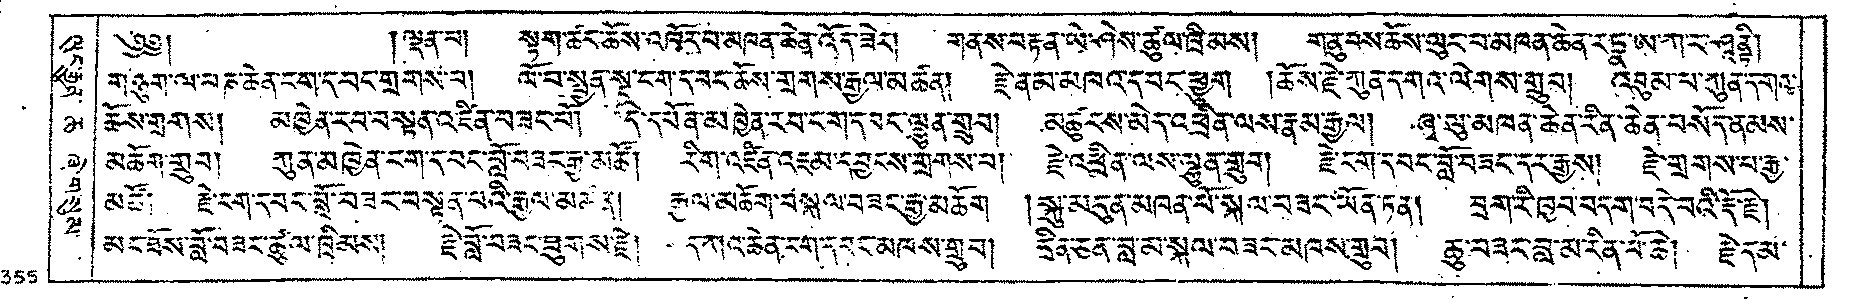༄༅། །ལྡན་པ། སྟག་ཚང་ཆོས་འཁོར་བ་མཁན་ཆེན་འོད་ཟེར། གནས་བརྟན་ཡེ་ཤེས་ཚུལ་ཁྲིམས། གནུབས་ཆོས་ལུང་བ་མཁན་ཆེན་རཏྣ་ཨ་ཀ་ར་ཤཱནྟི།
གཉུག་ལ་པཎ་ཆེན་ངག་དབང་གྲགས་པ། ལོ་བ་སྤྱན་སྔ་ངག་དབང་ཆོས་གྲགས་རྒྱལ་མཚན། རྗེ་ནམ་མཁའ་དབང་ཕྱུག །ཆོས་རྗེ་ཀུན་དགའ་ལེགས་གྲུབ། འབུམ་པ་ཀུན་དགའ་
ཆོས་གྲགས། མཁྱེན་རབ་བསྟན་འཛིན་བཟང་པོ། དེ་དཔོན་མཁྱེན་རབ་ངག་དབང་ལྷུན་གྲུབ། མཚུངས་མེད་འཕྲིན་ལས་རྣམ་རྒྱལ། ཞྭ་ལུ་མཁན་ཆེན་རིན་ཆེན་བསོད་ནམས་
མཆོག་གྲུབ། ཀུན་མཁྱེན་ངག་དབང་བློ་བཟང་རྒྱ་མཚོ། རིག་འཛིན་འཇམ་དབྱངས་གྲགས་པ། རྗེ་འཕྲིན་ལས་ལྷུན་གྲུབ། རྗེ་ངག་དབང་བློ་བཟང་དར་རྒྱས། རྗེ་གྲགས་པ་རྒྱ་
མཚོ། རྗེ་ངག་དབང་བློ་བཟང་བསྟན་པའི་རྒྱལ་མཚན། རྒྱལ་མཆོག་བསྐལ་བཟང་རྒྱ་མཆོག །སྐུ་མདུན་མཁན་པོ་སྐལ་བཟང་ཡོན་ཏན། བྲག་རི་ཁྱབ་བདག་བདེ་བའི་རྡོ་རྗེ།
མང་ཐོས་བློ་བཟང་ཚུལ་ཁྲིམས། རྗེ་བློ་བཟང་ཐུགས་རྗེ། དཀའ་ཆེན་ངག་དབང་མཁས་གྲུབ། དྲིན་ཅན་བླ་མ་སྐལ་བཟང་མཁས་གྲུབ། ཆུ་བཟང་བླ་མ་རིན་པོ་ཆེ། རྗེ་དམ་